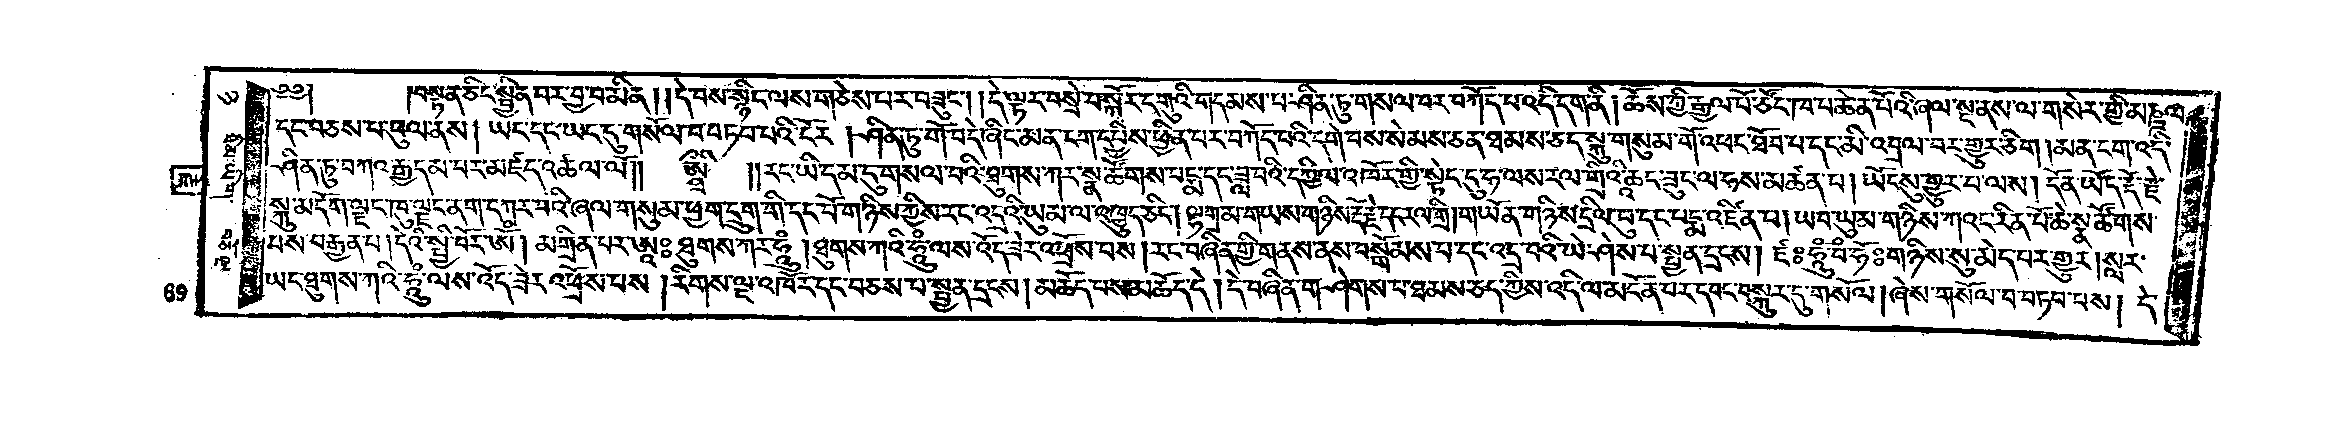༄༅། །བསྟན་ཅིང་སྦྱིན་པར་བྱ་བ་མིན། །དེ་བས་སྙིང་ལས་གཅེས་པར་བཟུང་། །དེ་ལྟར་བསྲེ་བ་སྐོར་དགུའི་གདམས་པ་ཤིན་ཏུ་གསལ་བར་བཀོད་པ་འདི་དག་ནི། ཆོས་ཀྱི་རྒྱལ་པོ་ཙོང་ཁ་པ་ཆེན་པོའི་ཞལ་སྔ་ནས་ལ་གསེར་གྱི་མཎྜལ་
དང་བཅས་པ་ཕུལ་ནས། ཡང་དང་ཡང་དུ་གསོལ་བ་བཏབ་པའི་ངོར། ཤིན་ཏུ་གོ་བདེ་ཞིང་མན་ངག་དཔྱིས་ཕྱིན་པར་བཀོད་པའི་དགེ་བས་སེམས་ཅན་ཐམས་ཅད་སྐུ་གསུམ་གོ་འཕང་ཐོབ་པ་དང་མི་འབྲལ་བར་གྱུར་ཅིག །མན་ངག་འདི་
ཤིན་ཏུ་བཀའ་རྒྱ་དམ་པར་མཛད་འཚལ་ལོ།། ཨྀཐི་།།རང་ཡི་དམ་དུ་གསལ་བའི་ཐུགས་ཀར་སྣ་ཚོགས་པདམ་དང་ཟླ་བའི་དཀྱིལ་འཁོར་གྱི་སྟེང་དུ་ཧ་ལས་རལ་གྲིའི་འཆང་ཟུང་ལ་ཧས་མཚན་པ། ཡོངས་སུ་གྱུར་པ་ལས། དོན་ཡོད་རྡོ་རྗེ་
སྐུ་མདོག་ལྗང་ཁུ་ལྗང་ནག་དཀར་བའི་ཞལ་གསུམ་ཕྱག་དྲུག་གི་དང་པོ་གཉིས་ཀྱིས་རང་འདྲའི་ཡུམ་ལ་འཁྱུད་ཅིང་། ལྷག་མ་གཡས་གཉིས་རྡོ་རྗེ་དང་རལ་གྲི། གཡོན་གཉིས་དྲིལ་བུ་དང་པདམ་འཛིན་པ། ཡབ་ཡུམ་གཉིས་ཀའང་རིན་པོ་ཆེ་སྣ་ཚོགས་
པས་བརྒྱན་པ། དེའི་སྤྱི་བོར་ཨོཾ། མགྲིན་པར་ཨཱཿ ཐུགས་ཀར་ཧཱུཾ། ཐུགས་ཀའི་ཧཱུཾ་ལས་འོད་ཟེར་འཕྲོས་པས། རང་བཞིན་གྱི་གནས་ནས་བསྒོམས་པ་དང་འདྲ་བའི་ཡེ་ཤེས་པ་སྤྱན་དྲངས། ཛཿ ཧཱུཾ་བཾ་ཧོཿ གཉིས་སུ་མེད་པར་གྱུར། སླར་
ཡང་ཐུགས་ཀའི་ཧཱུཾ་ལས་འོད་ཟེར་འཕྲོས་པས། རིགས་ལྔ་འཁོར་དང་བཅས་པ་སྤྱན་དྲངས། མཆོད་པས་མཆོད་དེ། དེ་བཞིན་གཤེགས་པ་ཐམས་ཅད་ཀྱིས་འདི་ལ་མངོན་པར་དབང་བསྐུར་དུ་གསོལ། ཞེས་གསོལ་བ་བཏབ་པས། དེ་